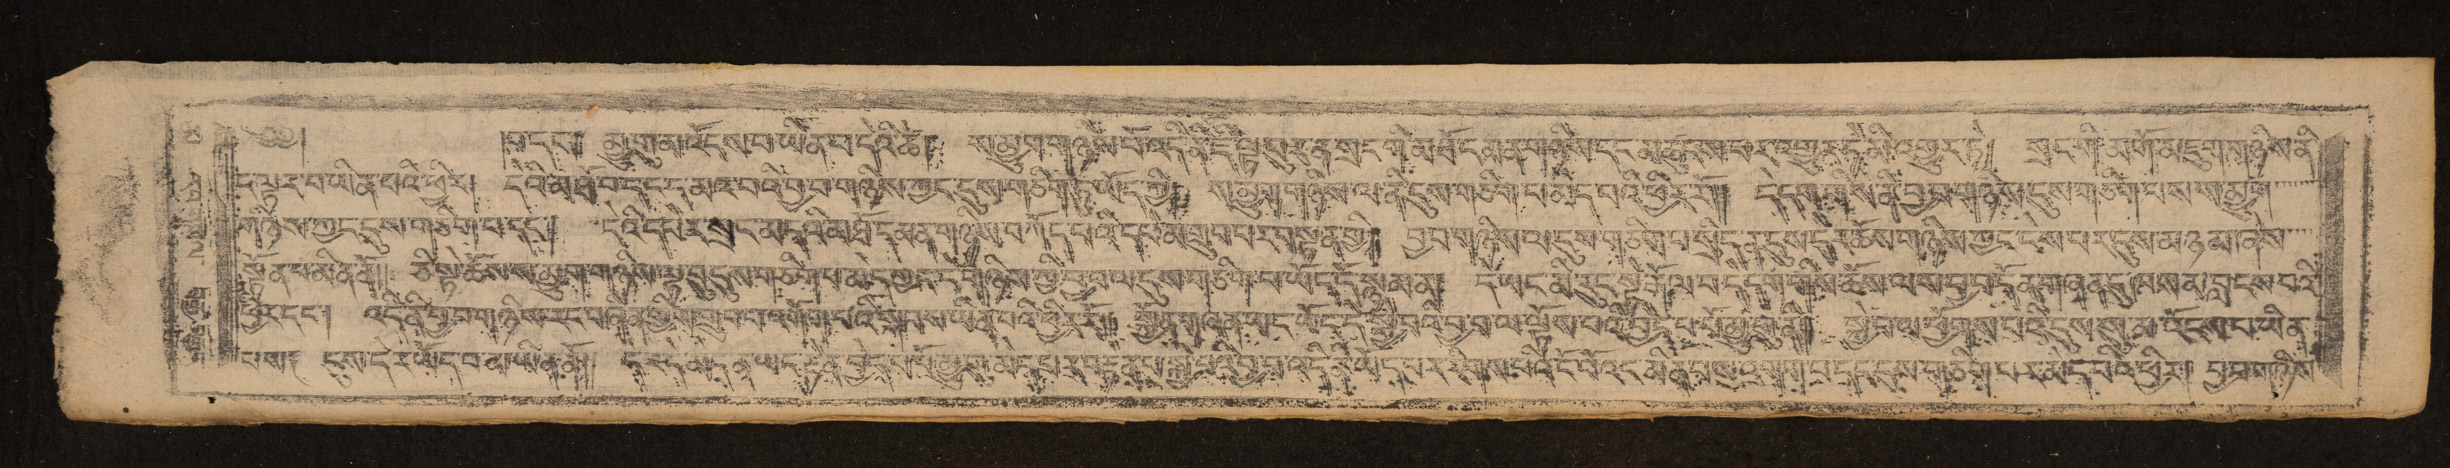༄༅། །བ་དང་། མྱུ་གུ་མ་འོངས་པ་ཡིན་པ་དེའི་ཚེ། ས་མྱུག་གཉིས་པོ་འདི་ནི་ཇི་ལྟ་བུར་ན་སྲང་གི་མཐོ་དམན་གཉིས་དང་མཚུངས་པར་འགྱུར་ཏེ་མི་འགྱུར་ཏེ། སྲང་གི་མགོ་མཇུག་གཉིས་ནི་
ད་ལྟར་བ་ཡིན་པའི་ཕྱིར། དེའི་མཐོ་བ་དང་དམའ་བའི་བྱ་བ་གཉིས་ཀྱང་དུས་གཅིག་ཏུ་ཡོད་ཀྱི། ས་མྱུག་གཉིས་ལ་ནི་དུས་གཅིག་པ་མེད་པའི་ཕྱིར་རོ།། དེ་དག་གིས་ནི་བྱ་བ་གཉིས་དུས་གཅིག་པས་ས་མྱུག་
གཉིས་ཀྱང་དུས་གཅིག་པ་དང་། དེའི་དཔེར་སྲང་མདའི་མཐོ་དམན་གཉིས་བཀོད་པའི་དཔེ་མ་གྲུབ་པར་བསྟན་གྱི། བྱ་བ་གཉིས་ལ་དུས་གཅིག་པ་སྲིད་ན་དུས་དེར་ཆོས་གཉིས་ཀྱང་ངེས་པར་དུས་མཉམ་ཞེས་
སྟོན་པ་མིན་ནོ།། ཅི་སྟེ་ཆོས་ས་མྱུག་གཉིས་ལྟ་བུ་དུས་གཅིག་པ་མེད་ཀྱང་དེ་གཉིས་ཀྱི་བྱ་བ་ལ་དུས་གཅིག་པ་ཡོད་དོ་སྙམ་ན། དེ་ཡང་མི་རུང་སྟེ་རྒོལ་བ་དེ་དག་གིས་ཆོས་ལས་བྱ་བ་དོན་གཞན་དུ་ཁས་མ་བླངས་པའི་
ཕྱིར་དང་། འདི་ནི་བྱ་བ་གཉིས་རང་བཞིན་གྱིས་གྲུབ་པ་འགོག་པའི་སྐབས་ཡིན་པའི་ཕྱིར་རོ།། སྐྱོན་གཞན་ཡང་ཡོད་དེ་སྐྱེ་བའི་བྱ་བ་ལ་ལྟོས་པའི་བྱེད་པ་པོ་མྱུ་གུ་ནི། སྐྱེ་བ་ལ་ཕྱོགས་པའི་དུས་སུ་མ་འོངས་པ་ཡིན་
པས༑ དུས་དེར་ཡོད་པ་མ་ཡིན་ནོ།། དེར་དེ་མེད་ན་ཡང་རྟེན་བྱེད་པ་པོ་མྱུ་གུ་མེད་པར་བརྟེན་པ་སྐྱེ་བའི་བྱ་བ་འདི་ནི་ཡོད་པར་རིགས་པའི་ངོ་བོའང་མིན་པས་འགག་པ་དང་དུས་གཅིག་པར་མེད་པའི་ཕྱིར། བྱ་བ་གཉིས་